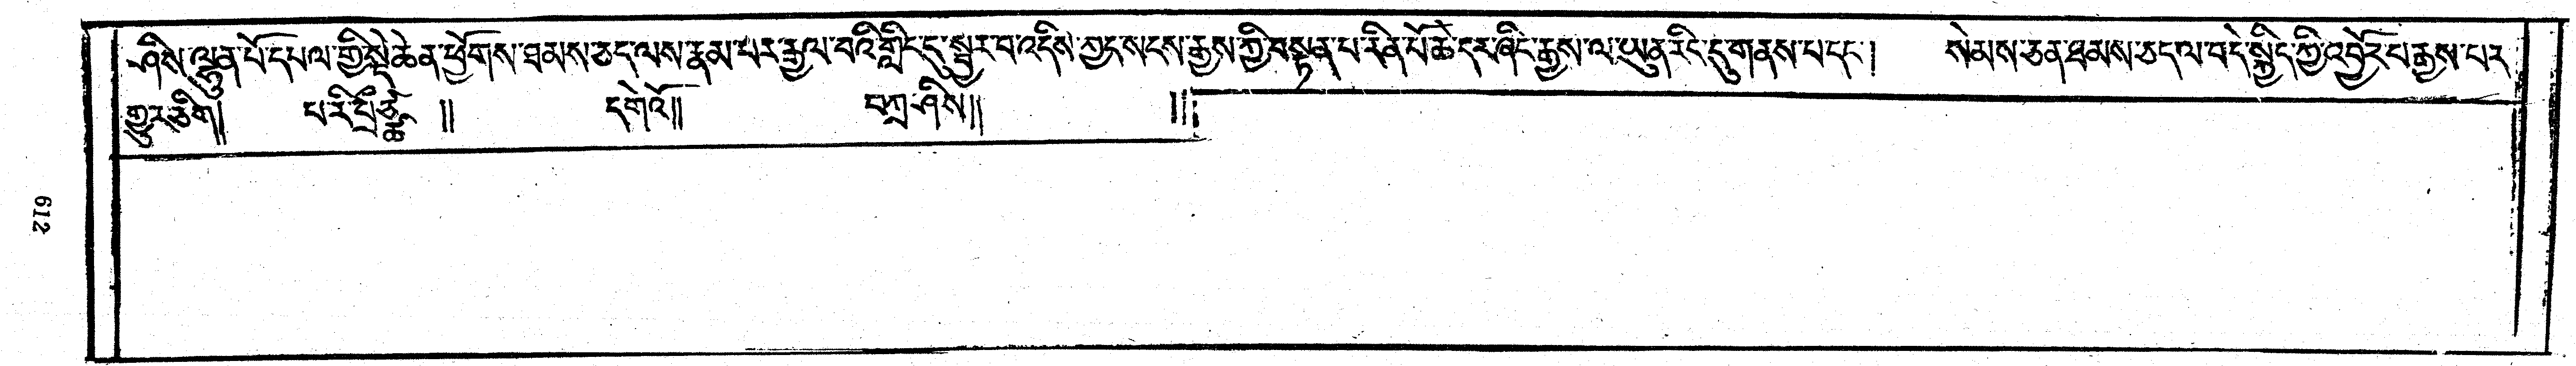ཤིས་ལྷུན་པོ་དཔལ་གྱི་སྡེ་ཆེན་ཕྱོགས་ཐམས་ཅད་ལས་རྣམ་པར་རྒྱལ་བའི་གླིང་དུ་སྦྱར་བ་འདིས་ཀྱང་སངས་རྒྱས་ཀྱི་བསྟན་པ་རིན་པོ་ཆེ་དར་ཞིང་རྒྱས་ལ་ཡུན་རིང་དུ་གནས་པ་དང་། སེམས་ཅན་ཐམས་ཅད་ལ་བདེ་སྐྱིད་ཀྱི་འབྱོར་པ་རྒྱས་པར་
གྱུར་ཅིག། པ་རི་པྲྀཙྪ།། དགེའོ།། བཀྲ་ཤིས།། །།